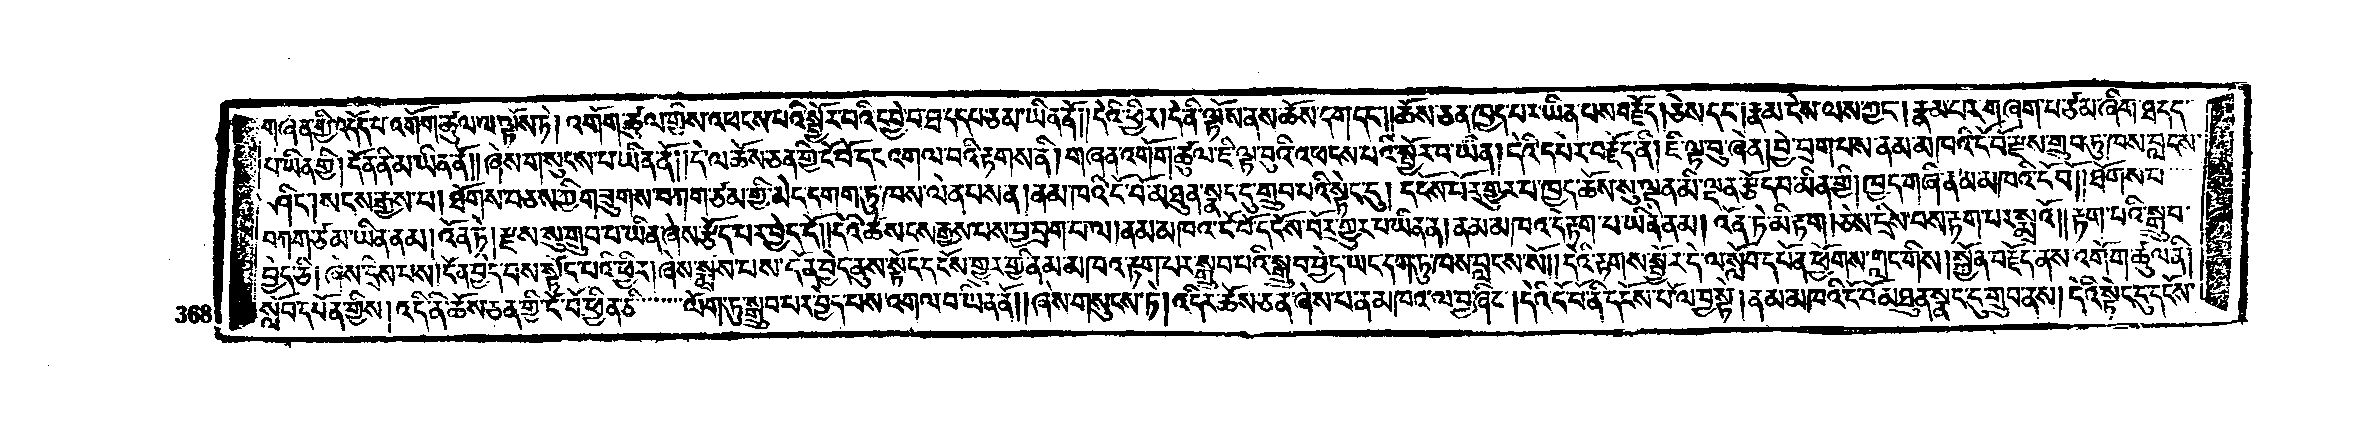གཞན་གྱི་འདོད་པ་འགོག་ཚུལ་ལ་ལྟོས་ཏེ། འགོག་ཚུལ་གྱིས་འཕངས་པའི་སྦྱོར་བའི་དབྱེ་བ་ཐ་དད་པ་ཙམ་ཡིན་ནོ། །དེའི་ཕྱིར། དེ་ནི་ལྟོས་ནས་ཆོས་དག་དང་། །ཆོས་ཅན་ཁྱད་པར་ཡིན་པས་བརྗོད། ཅེས་དང་། རྣམ་ངེས་ལས་ཀྱང་། རྣམ་པར་གཞག་པ་ཙམ་ཞིག་ཐ་དད་
པ་ཡིན་གྱི། དོན་ནི་མ་ཡིན་ནོ། །ཞེས་གསུངས་པ་ཡིན་ནོ། །དེ་ལ་ཆོས་ཅན་གྱི་ངོ་བོ་དང་འགལ་བའི་རྟགས་ནི། གཞན་འགོག་ཚུལ་ཇི་ལྟ་བུའི་འཕངས་པའི་སྦྱོར་བ་ཡིན། དེའི་དཔེར་བརྗོད་ནི། ཇི་ལྟ་བུ་ཞེ་ན། བྱེ་བྲག་པས་ནམ་མཁའི་ངོ་བོ་རྫས་གྲུབ་ཏུ་ཁས་བླངས་
ཤིང་། སངས་རྒྱས་པ། ཐོགས་བཅས་ཀྱི་གཟུགས་བཀག་ཙམ་གྱི་མེད་དགག་ཏུ་ཁས་ལེན་པས་ན། ནམ་ཁའི་ངོ་བོ་མཐུན་སྣང་དུ་གྲུབ་པའི་སྟེང་དུ། དངོས་པོར་གྱུར་པ་ཁྱད་ཆོས་སུ་ལྡན་མི་ལྡན་རྩོད་བ་མིན་གྱི། ཁྱད་གཞི་ནམ་མཁའི་ངོ་བོ། །ཐོགས་པ་
བཀག་ཙམ་ཡིན་ནམ། འོན་ཏེ། རྫས་སུ་གྲུབ་པ་ཡིན་ཞེས་རྩོད་པར་བྱེད་དོ། །དེའི་ཚེ་སངས་རྒྱས་པས་བྱེ་བྲག་པ་ལ། ནམ་མཁའི་ངོ་བོ་དངོས་པོར་གྱུར་པ་ཡིན་ན། ནམ་མཁའི་དེ་རྟག་པ་ཡིན་ནམ། འོན་ཏེ་མི་རྟག། ཅེས་དྲིས་པས་རྟག་པར་སྨྲའོ། །རྟག་པའི་སྒྲུབ་
བྱེད་ཅི། ཞེས་དྲིས་པས། དོན་བྱེད་པས་སྟོང་པའི་ཕྱིར། ཞེས་སྨྲས་པས་དོན་བྱེད་ནུས་སྟོང་དངོས་གྱུར་གྱི་ནམ་མཁའ་རྟག་པར་སྒྲུབ་པའི་སྒྲུབ་བྱེད་ཡང་དག་ཏུ་ཁས་བླངས་སོ། །དེའི་རྟགས་སྦྱོར་དེ་ལ་སློབ་དཔོན་ཕྱོགས་གླང་གིས། སྐྱོན་བརྗོད་ནས་འགོག་ཚུལ་ནི།
སློབ་དཔོན་གྱིས། འདི་ནི་ཆོས་ཅན་གྱི་ངོ་བོ་ཕྱིན་ཅི་ལོག་ཏུ་སྒྲུབ་པར་བྱེད་པས་འགལ་བ་ཡིན་ནོ། །ཞེས་གསུངས་ཏེ། འདིར་ཆོས་ཅན་ཞེས་པ་ནམ་མཁའ་ལ་བྱ་ཞིང་། དེའི་ངོ་བོ་ནི་དངོས་པོ་ལ་བྱ་སྟེ། ནམ་མཁའི་ངོ་བོ་མཐུན་སྣང་དུ་གྲུབ་ནས། དེའི་སྟེང་དུ་དངོས་